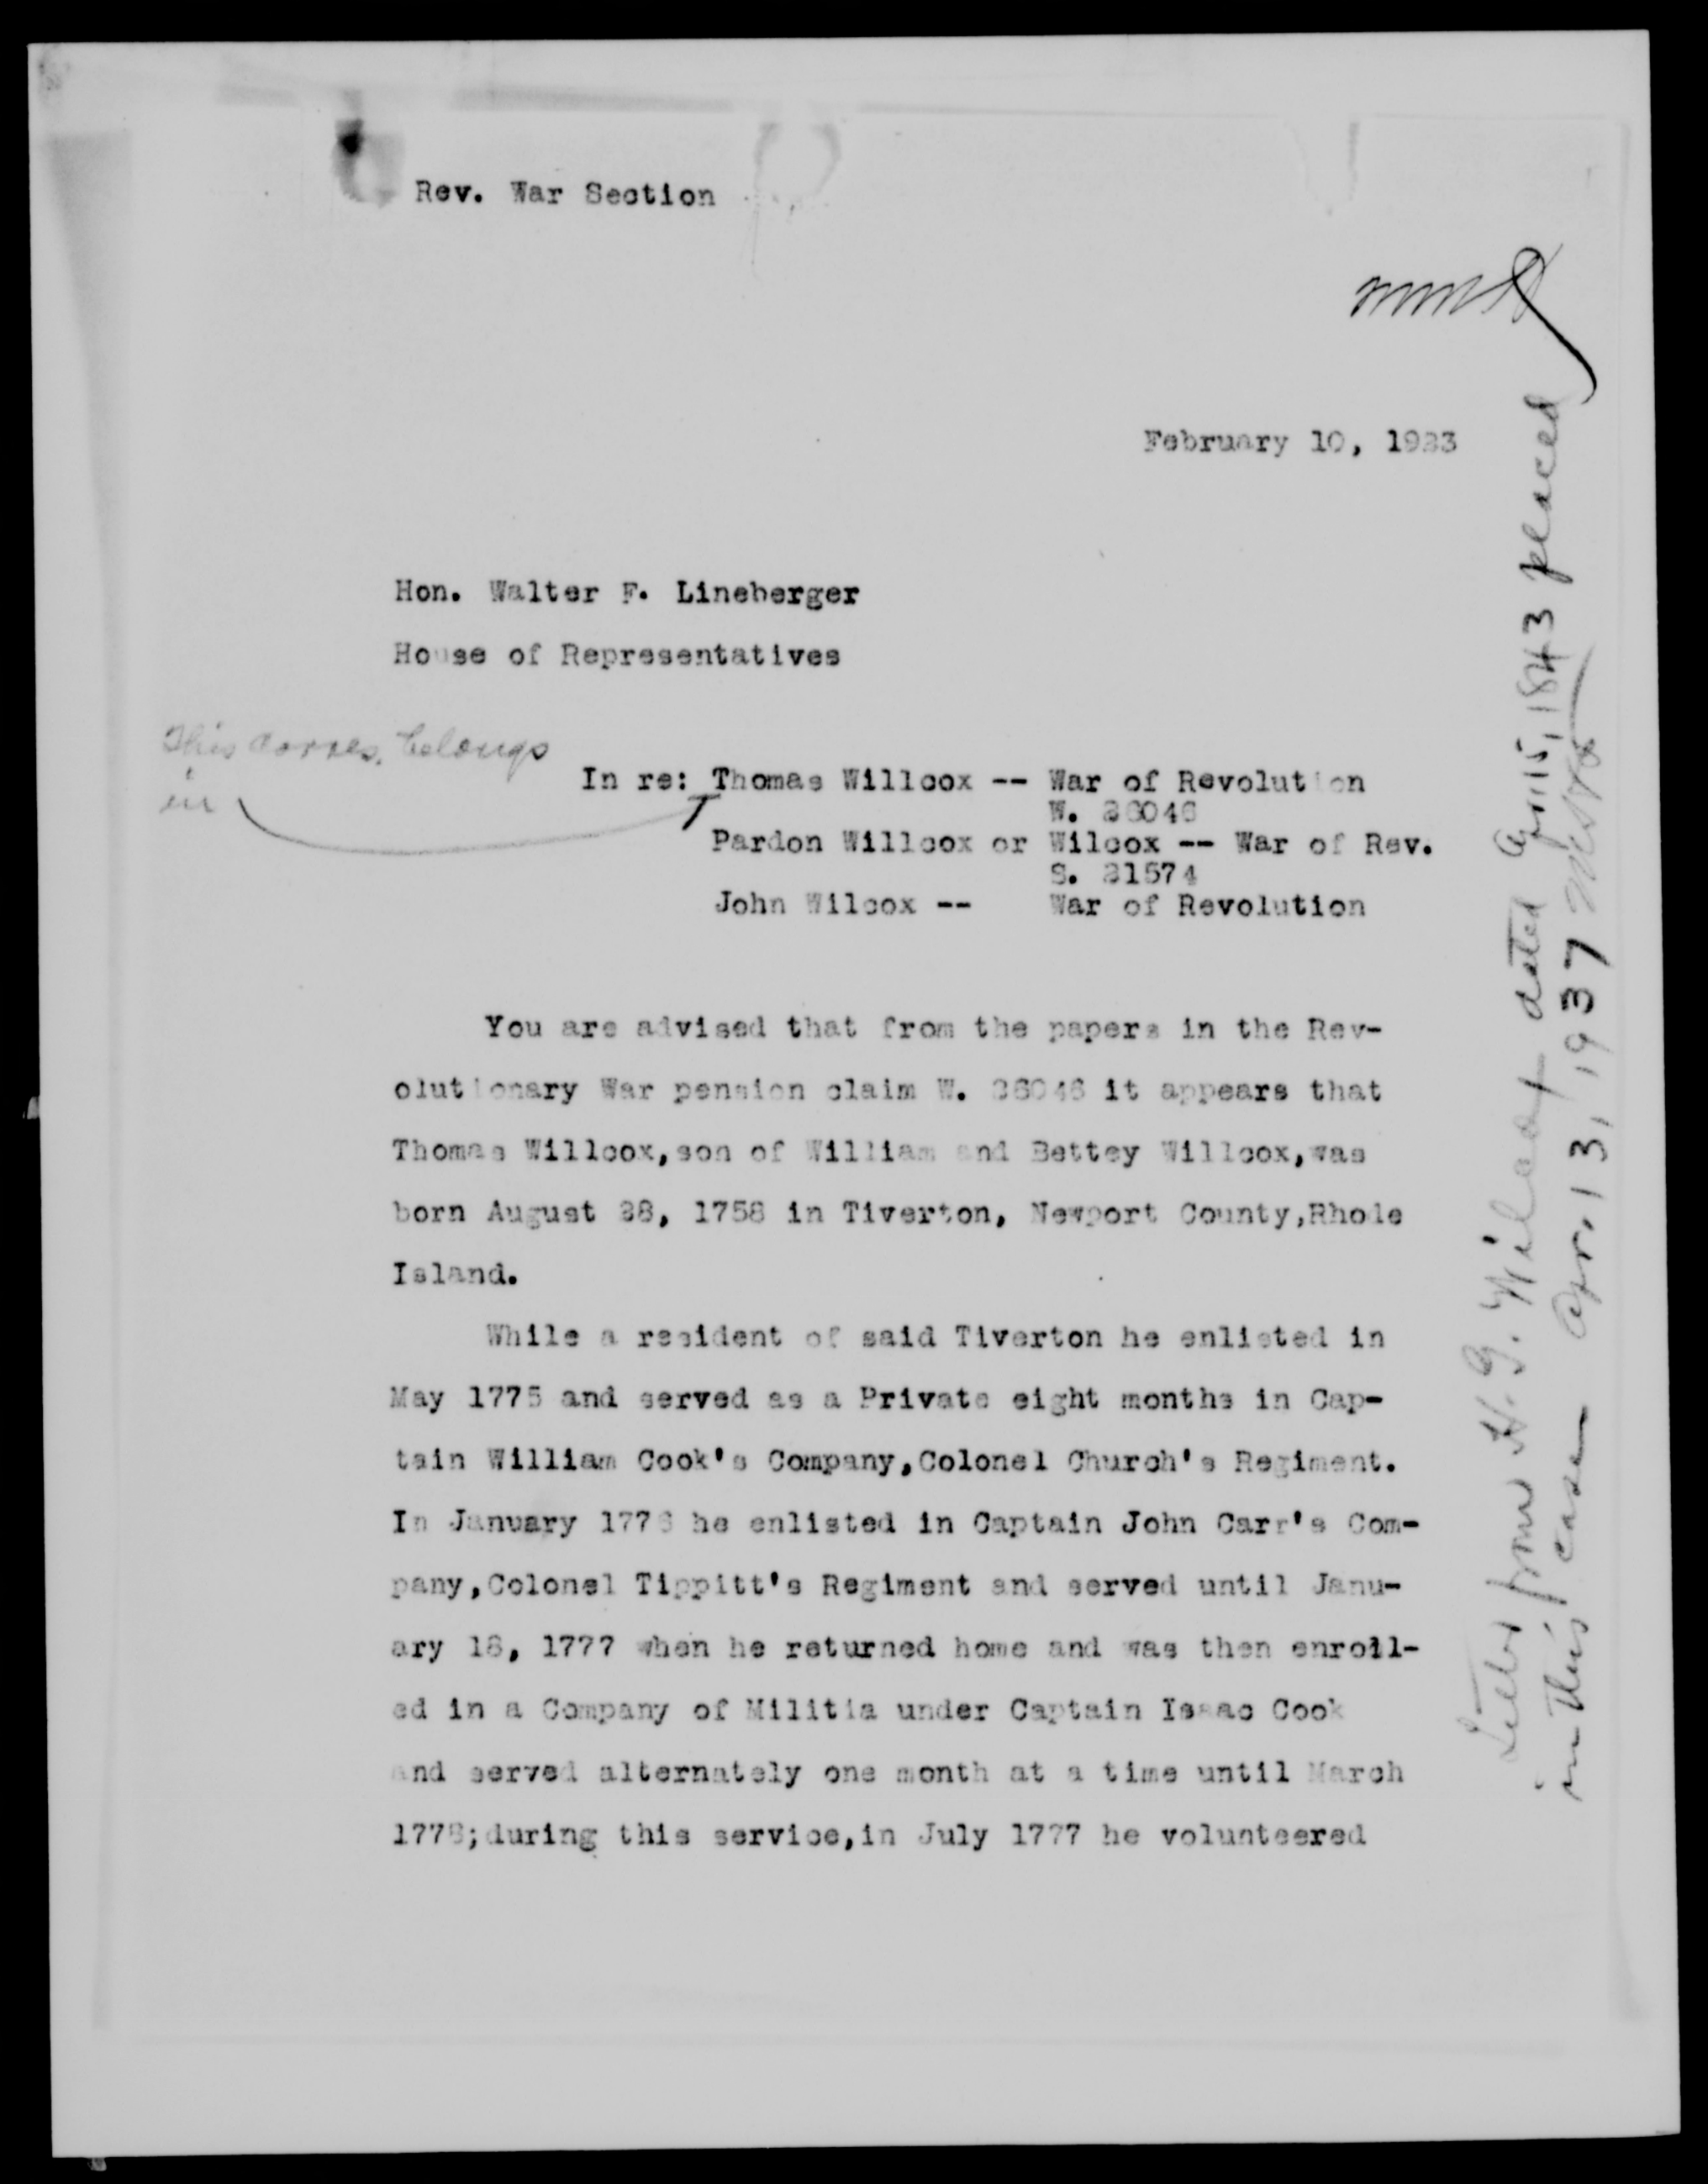Rev. War Section
Hon. Walter F. Lineberger
House of Representatives
 [illegible initials] MMST [?]
February 10, 1933

This corres, belongs
in--->
In re: Thomas Willcox -- War of Revolution
W. 26046
Pardon Willcox or Wilcox -- War of Rev.
S. 21574
John Wilcox --
War of Revolution
You are advised that from the papers in the Revolutionary War pension claim W. 26046 it appears that
Thomas Willcox, son of William and Bettey Willcox, was
born August 28, 1758 in Tiverton, Newport County, Rhode
Island.
While a resident of said Tiverton he enlisted in
May 1775 and served as a private eight months in Captain
William Cook's Company, Colonel Church's Regiment.
In January 1776 he enlisted in Captain John Carr's Company
, Colonel Tippitt's Regiment and served until January
18, 1777, when he returned home and was then enrolled
in a Company of Militia under Captain Isaac Cook
and served alternately one month at a time until March
1778; during this service, in July 1777 he volunteered


[[handwritten in margin]
Letter from 
H.G. Wilcox dated Apr. 15, 1843 placed in this case Apr. 13, 1937 [illegible initials] MST [?]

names: Thomas Willcox, H G Wilcox, Walter F Lineberger, Isaac Cook, John Wilcox, William Willcox, Pardon Wilcox, Pardon Willcox, Bettey Willcox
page: 23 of 39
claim: widow's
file: W. 26046, Thomas Willcox, R.I.